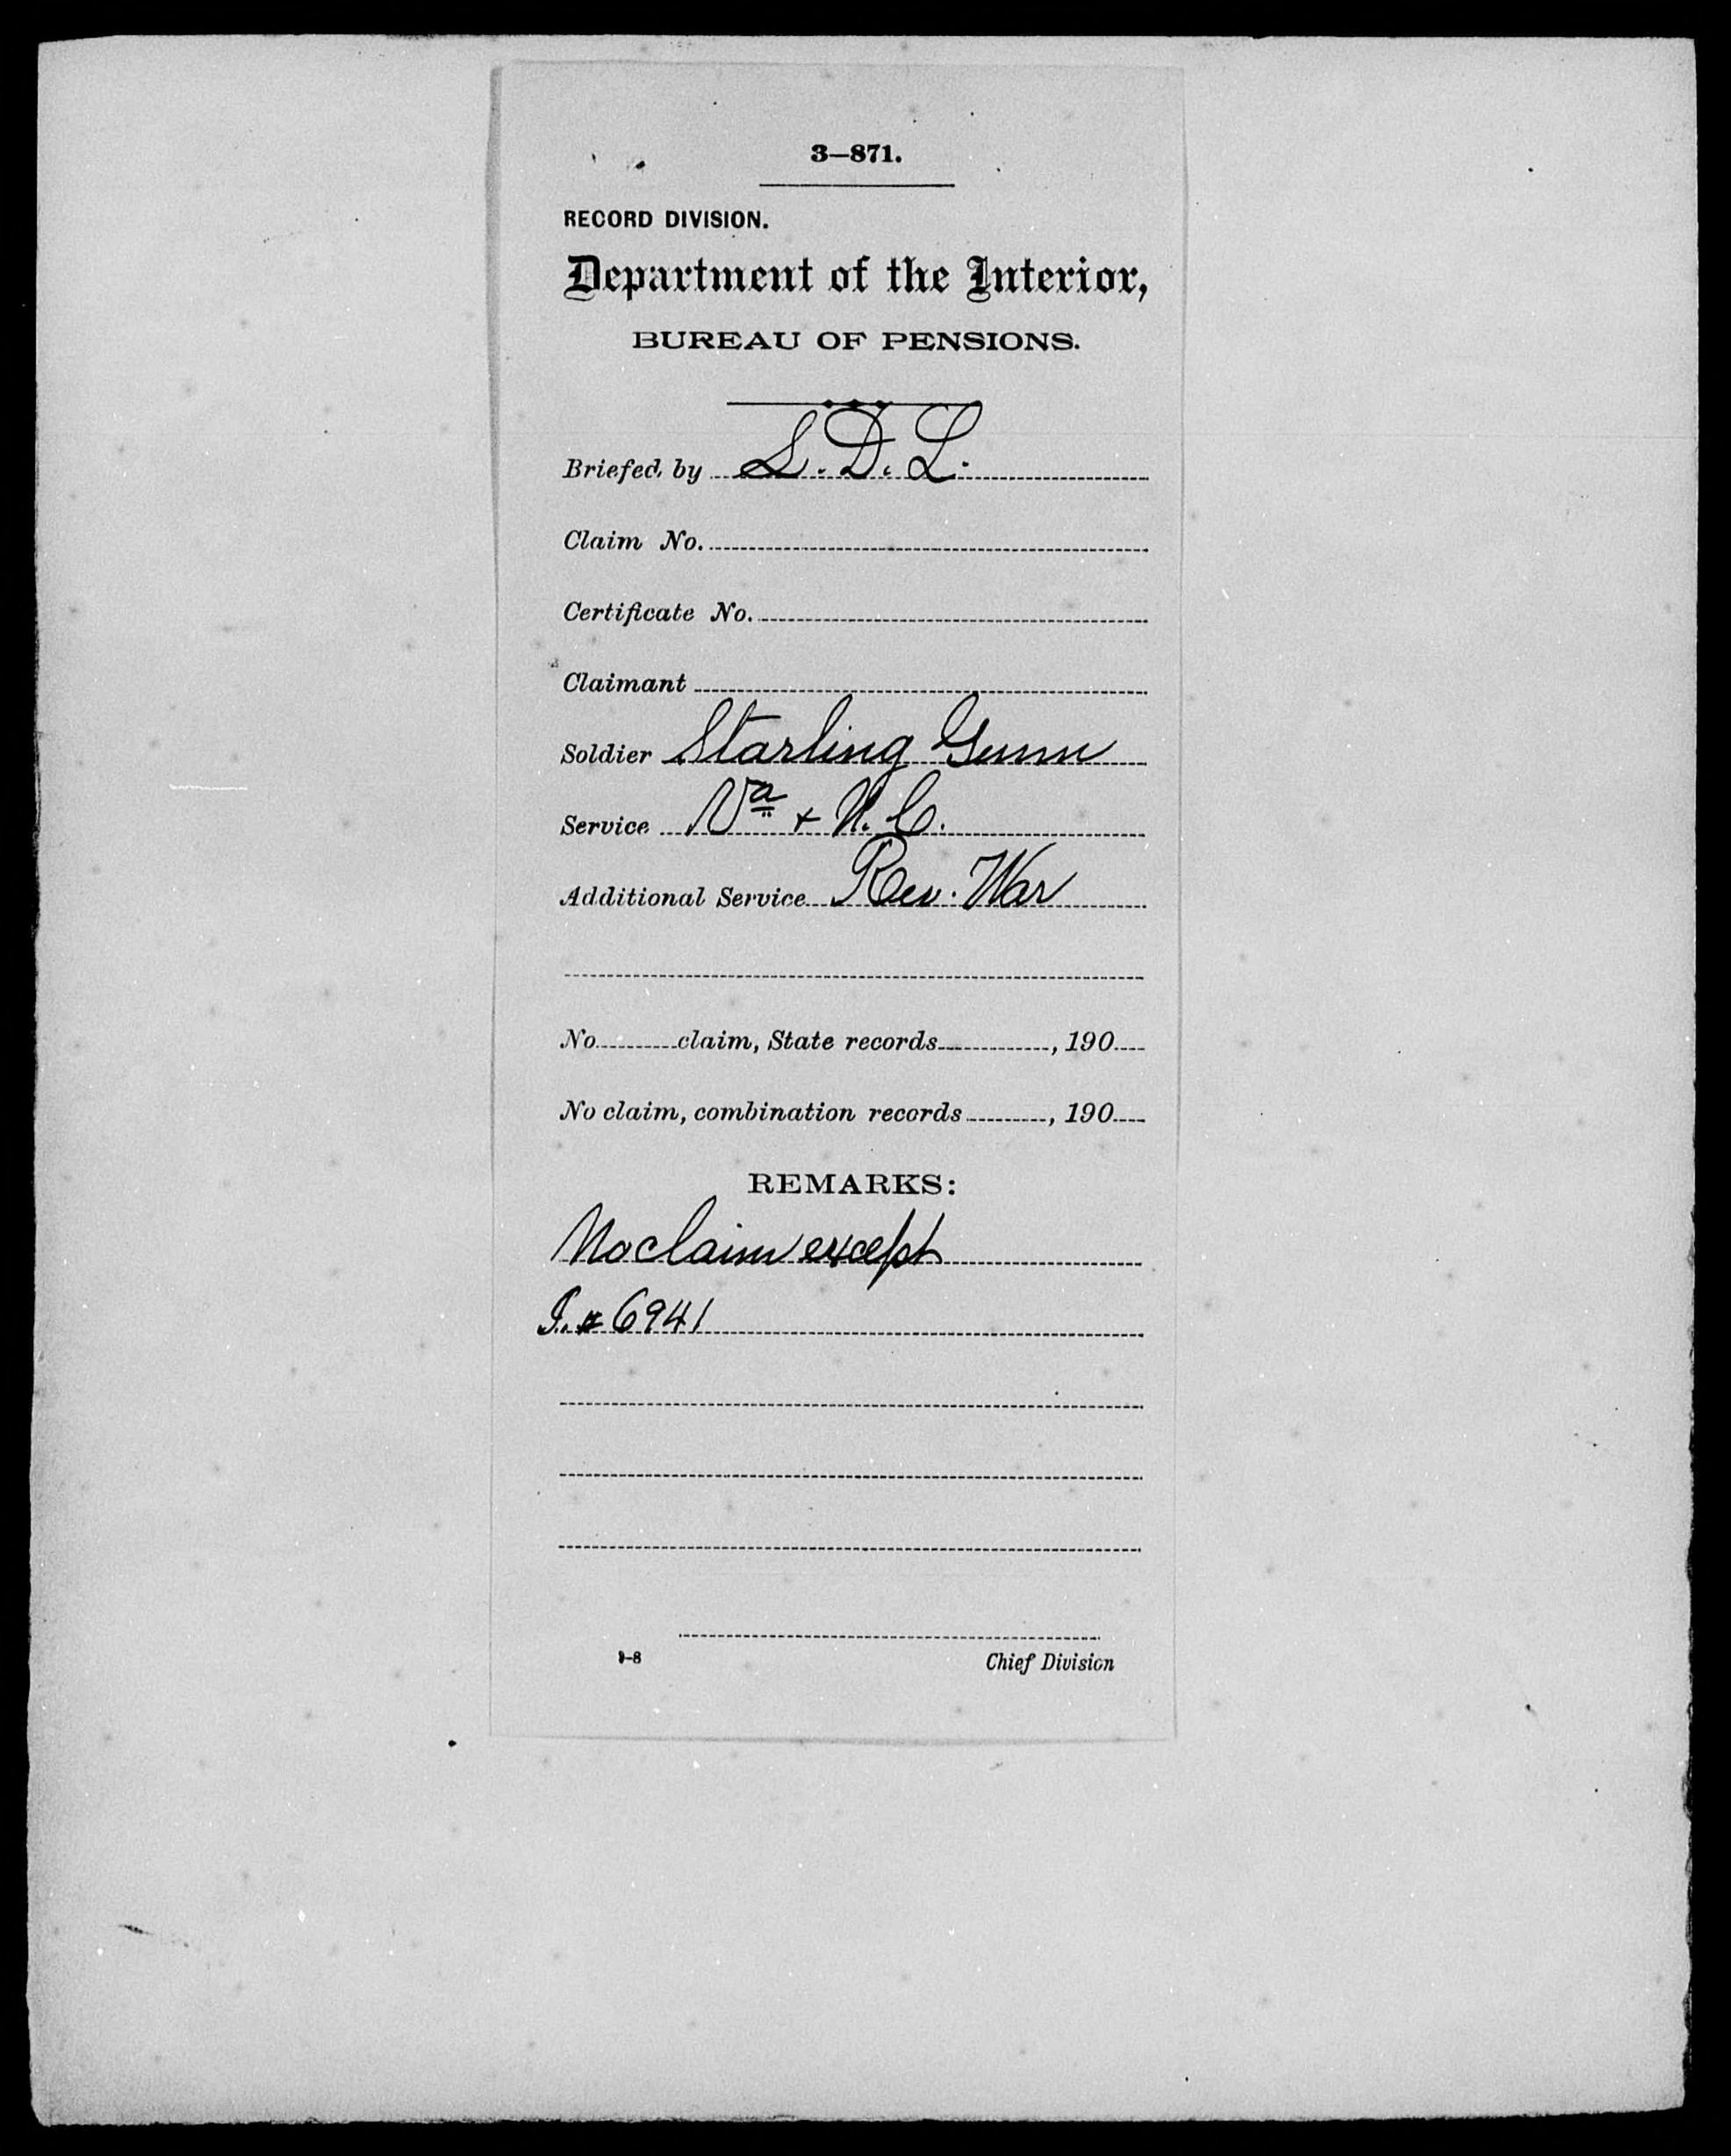3—871.
RECORD DIVISION.
Department of the Interior,
BUREAU OF PENSIONS.
Briefed by S.D.L.
Claim No. __
Certificate No. __
Claimant __
Soldier Starling Gunn
Service Va & N.C.
Additional Service Rev. War
No __ claim, State records__, 190_
No claim, combination records __, 190_
REMARKS:
No claim except S.# 6941
[Illegible]–8  Chief Division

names: Starling Gunn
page: 53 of 58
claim: survivor's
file: S. 6,941, Starling Gunn, Continental Va.